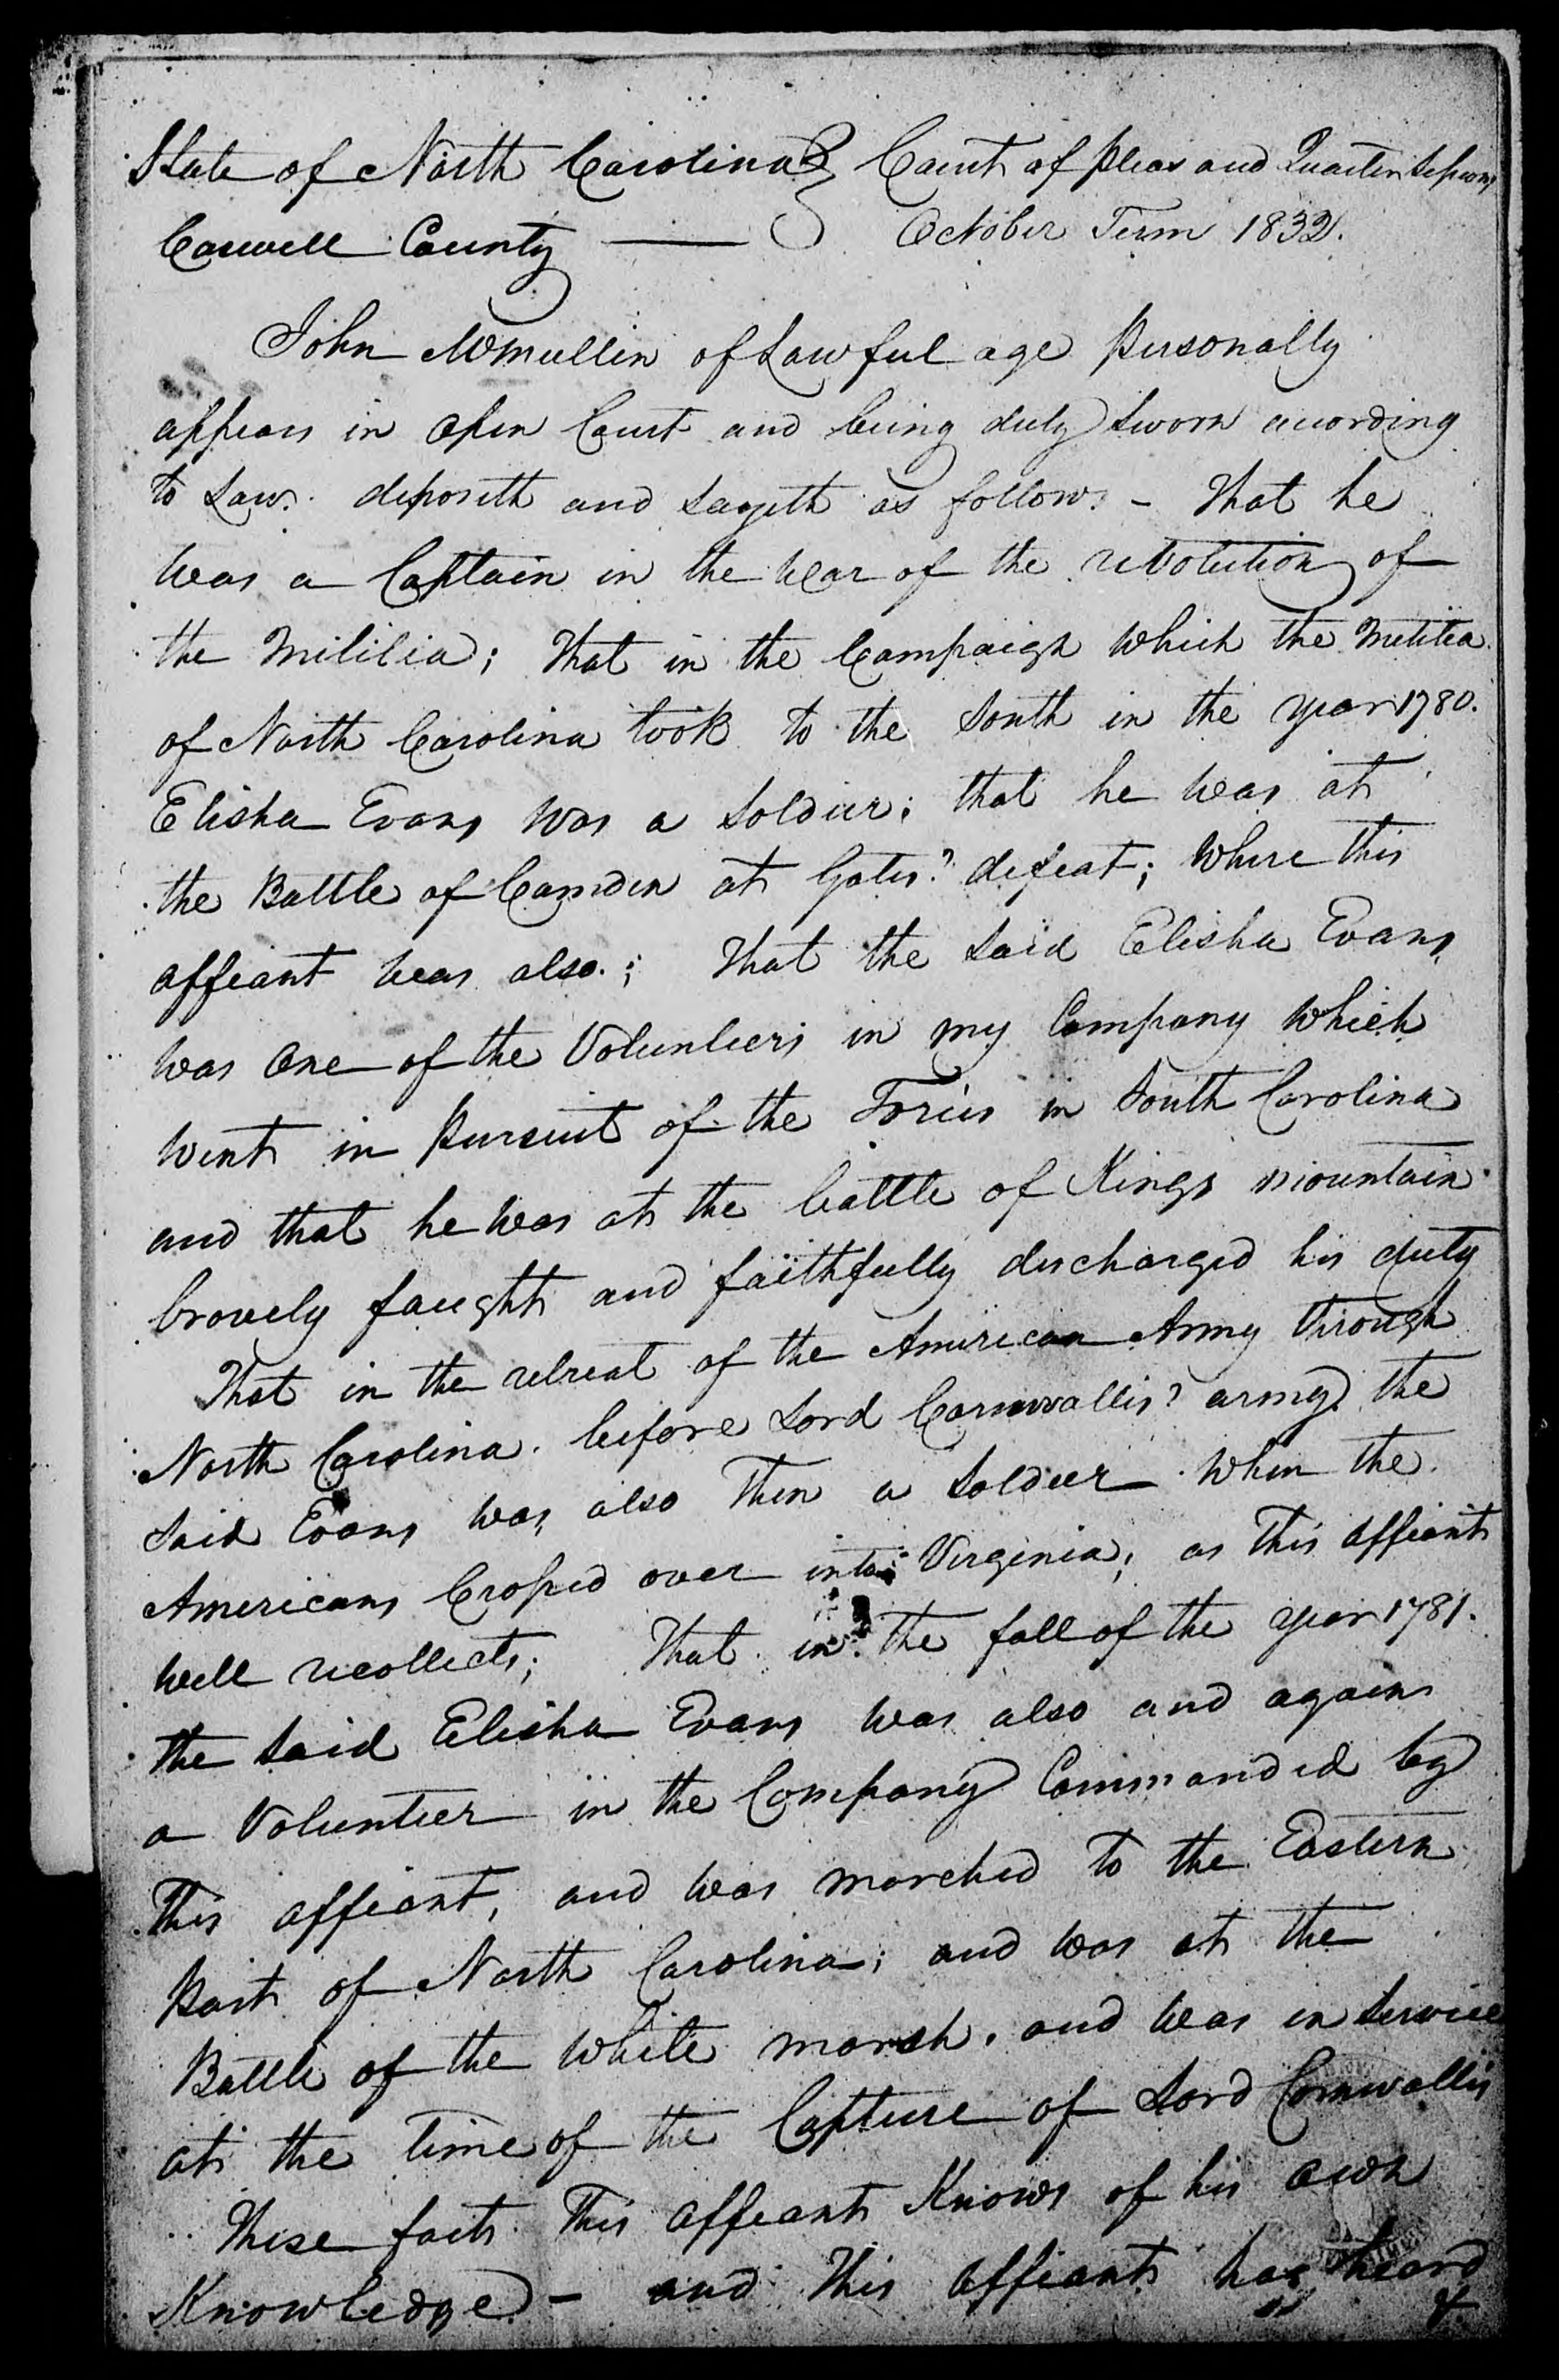State of North Carolina}
Caswell County} Court of Please and Quarter Session October Term 1832.

John McMullin of Lawful age personally
appears in Open Court and being duly sworn according to Law deposeth and sayeth as follows. That he was a Captain in the War of the revolution of the Militia; That in the Campaign which the Militia of North Carolina took to the South in the year 1780 Elisha Evans was a Soldier; that he was at the Battle of Camden at Gates defeat; Where this affiant was also; that the said Elisha Evans was one of the Volunteers in my Company which went in pursuit of the Tories in South Carolina and
that he was at the battle of Kings Mountain
bravely fought and faithfully discharged his duty. That in the retreat of the American Army through North Carolina before Lord Cornwallis army the said Evans was also then a soldier when the Americans crossed over into Virginia,
as this affiant well recollects; that in the fall of the year 1781 the said Elisha Evans was also and again a volunteer in the Company commanded by this affiant, and was marched
to the Eastern part of North Carolina, and was at the Battle of the White marsh, and was in service at the time of the Capture of Lord Cornwallis. These facts. This affiant knows of his own Knowledge and this affiants has heard

[Image of a reversed seal, bleed through of reverse side of document]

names: Elisha Evans, Evans, John Mc Mullin, Elisha Evans, Elisha Evans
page: 26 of 29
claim: survivor's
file: S. 6830, Elisha Evans, N.C.